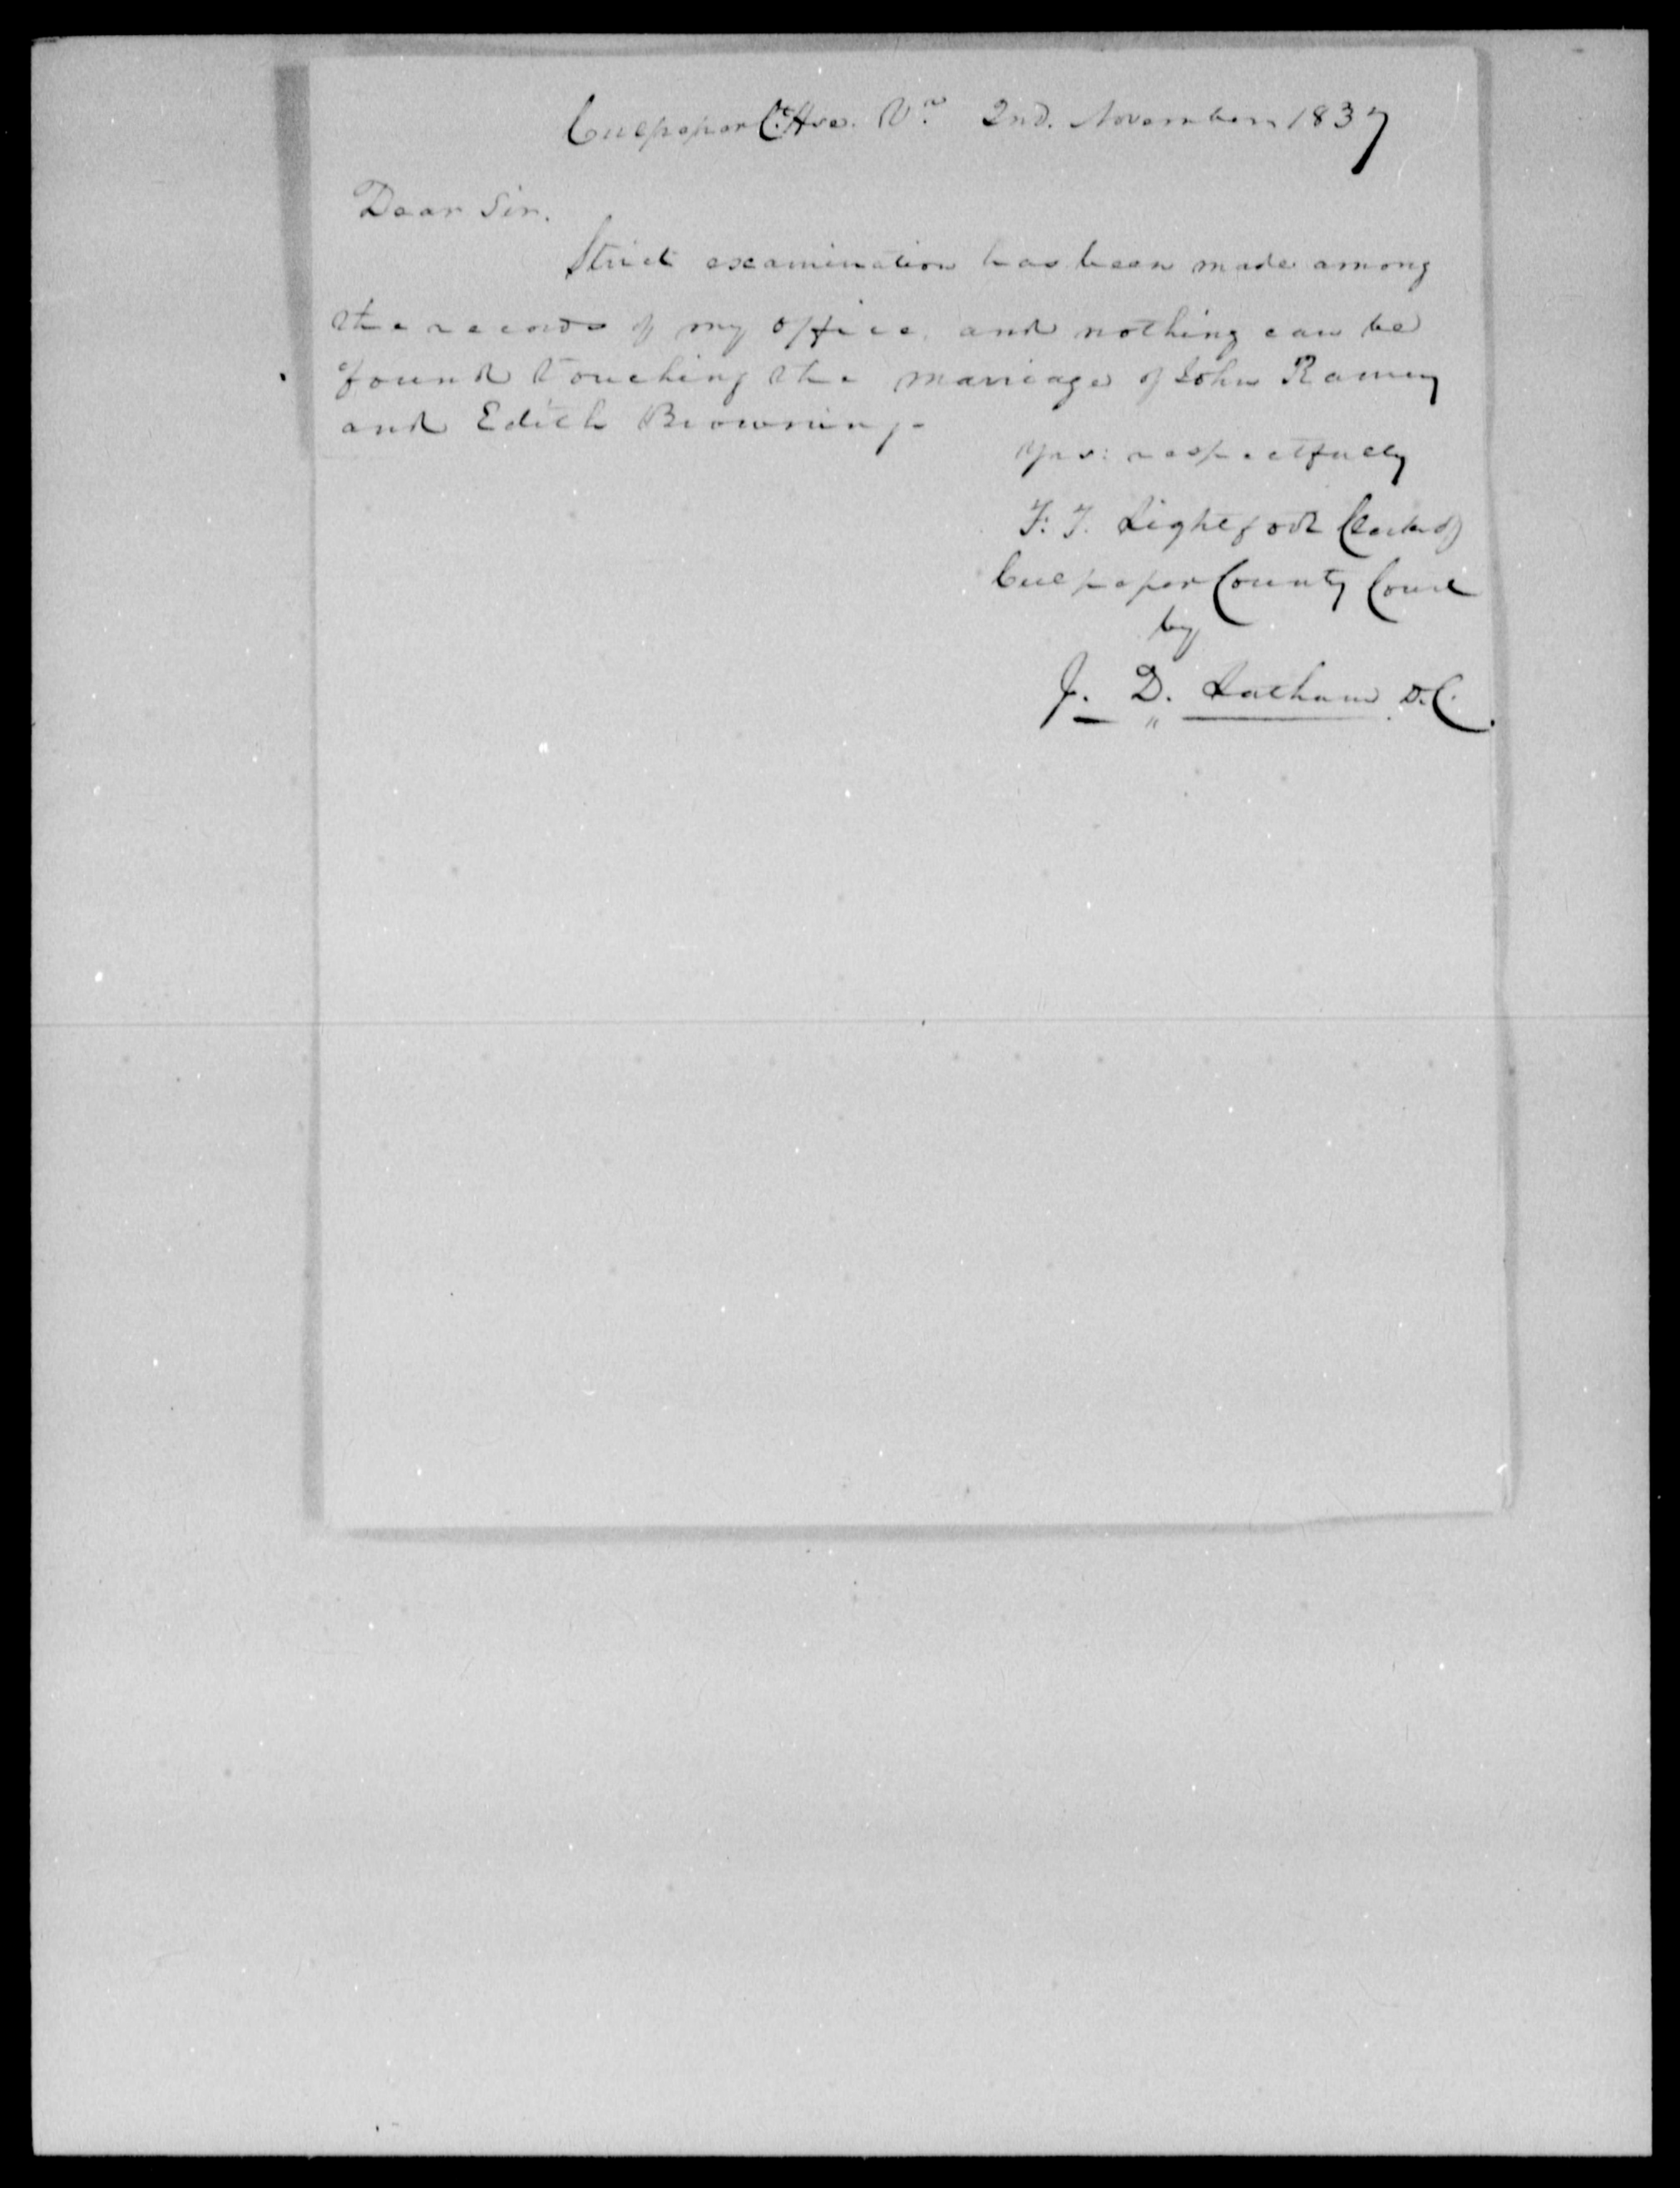Culpeper Ct. Hse. Va. 2nd. November 1837
Dear Sir,
Strict examination has been made among the records of my office and nothing can be found touching the marriage of John Ramey and Edith Browning-
Yrs respectfully
F. J. Lightfoot Clerk of
Culpeper County Court
by
J. D. Latham D.C.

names: John Ramey; J D Latham; Edith Browning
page: 68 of 84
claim: widow's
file: W.11104, for John Remay, Virginia